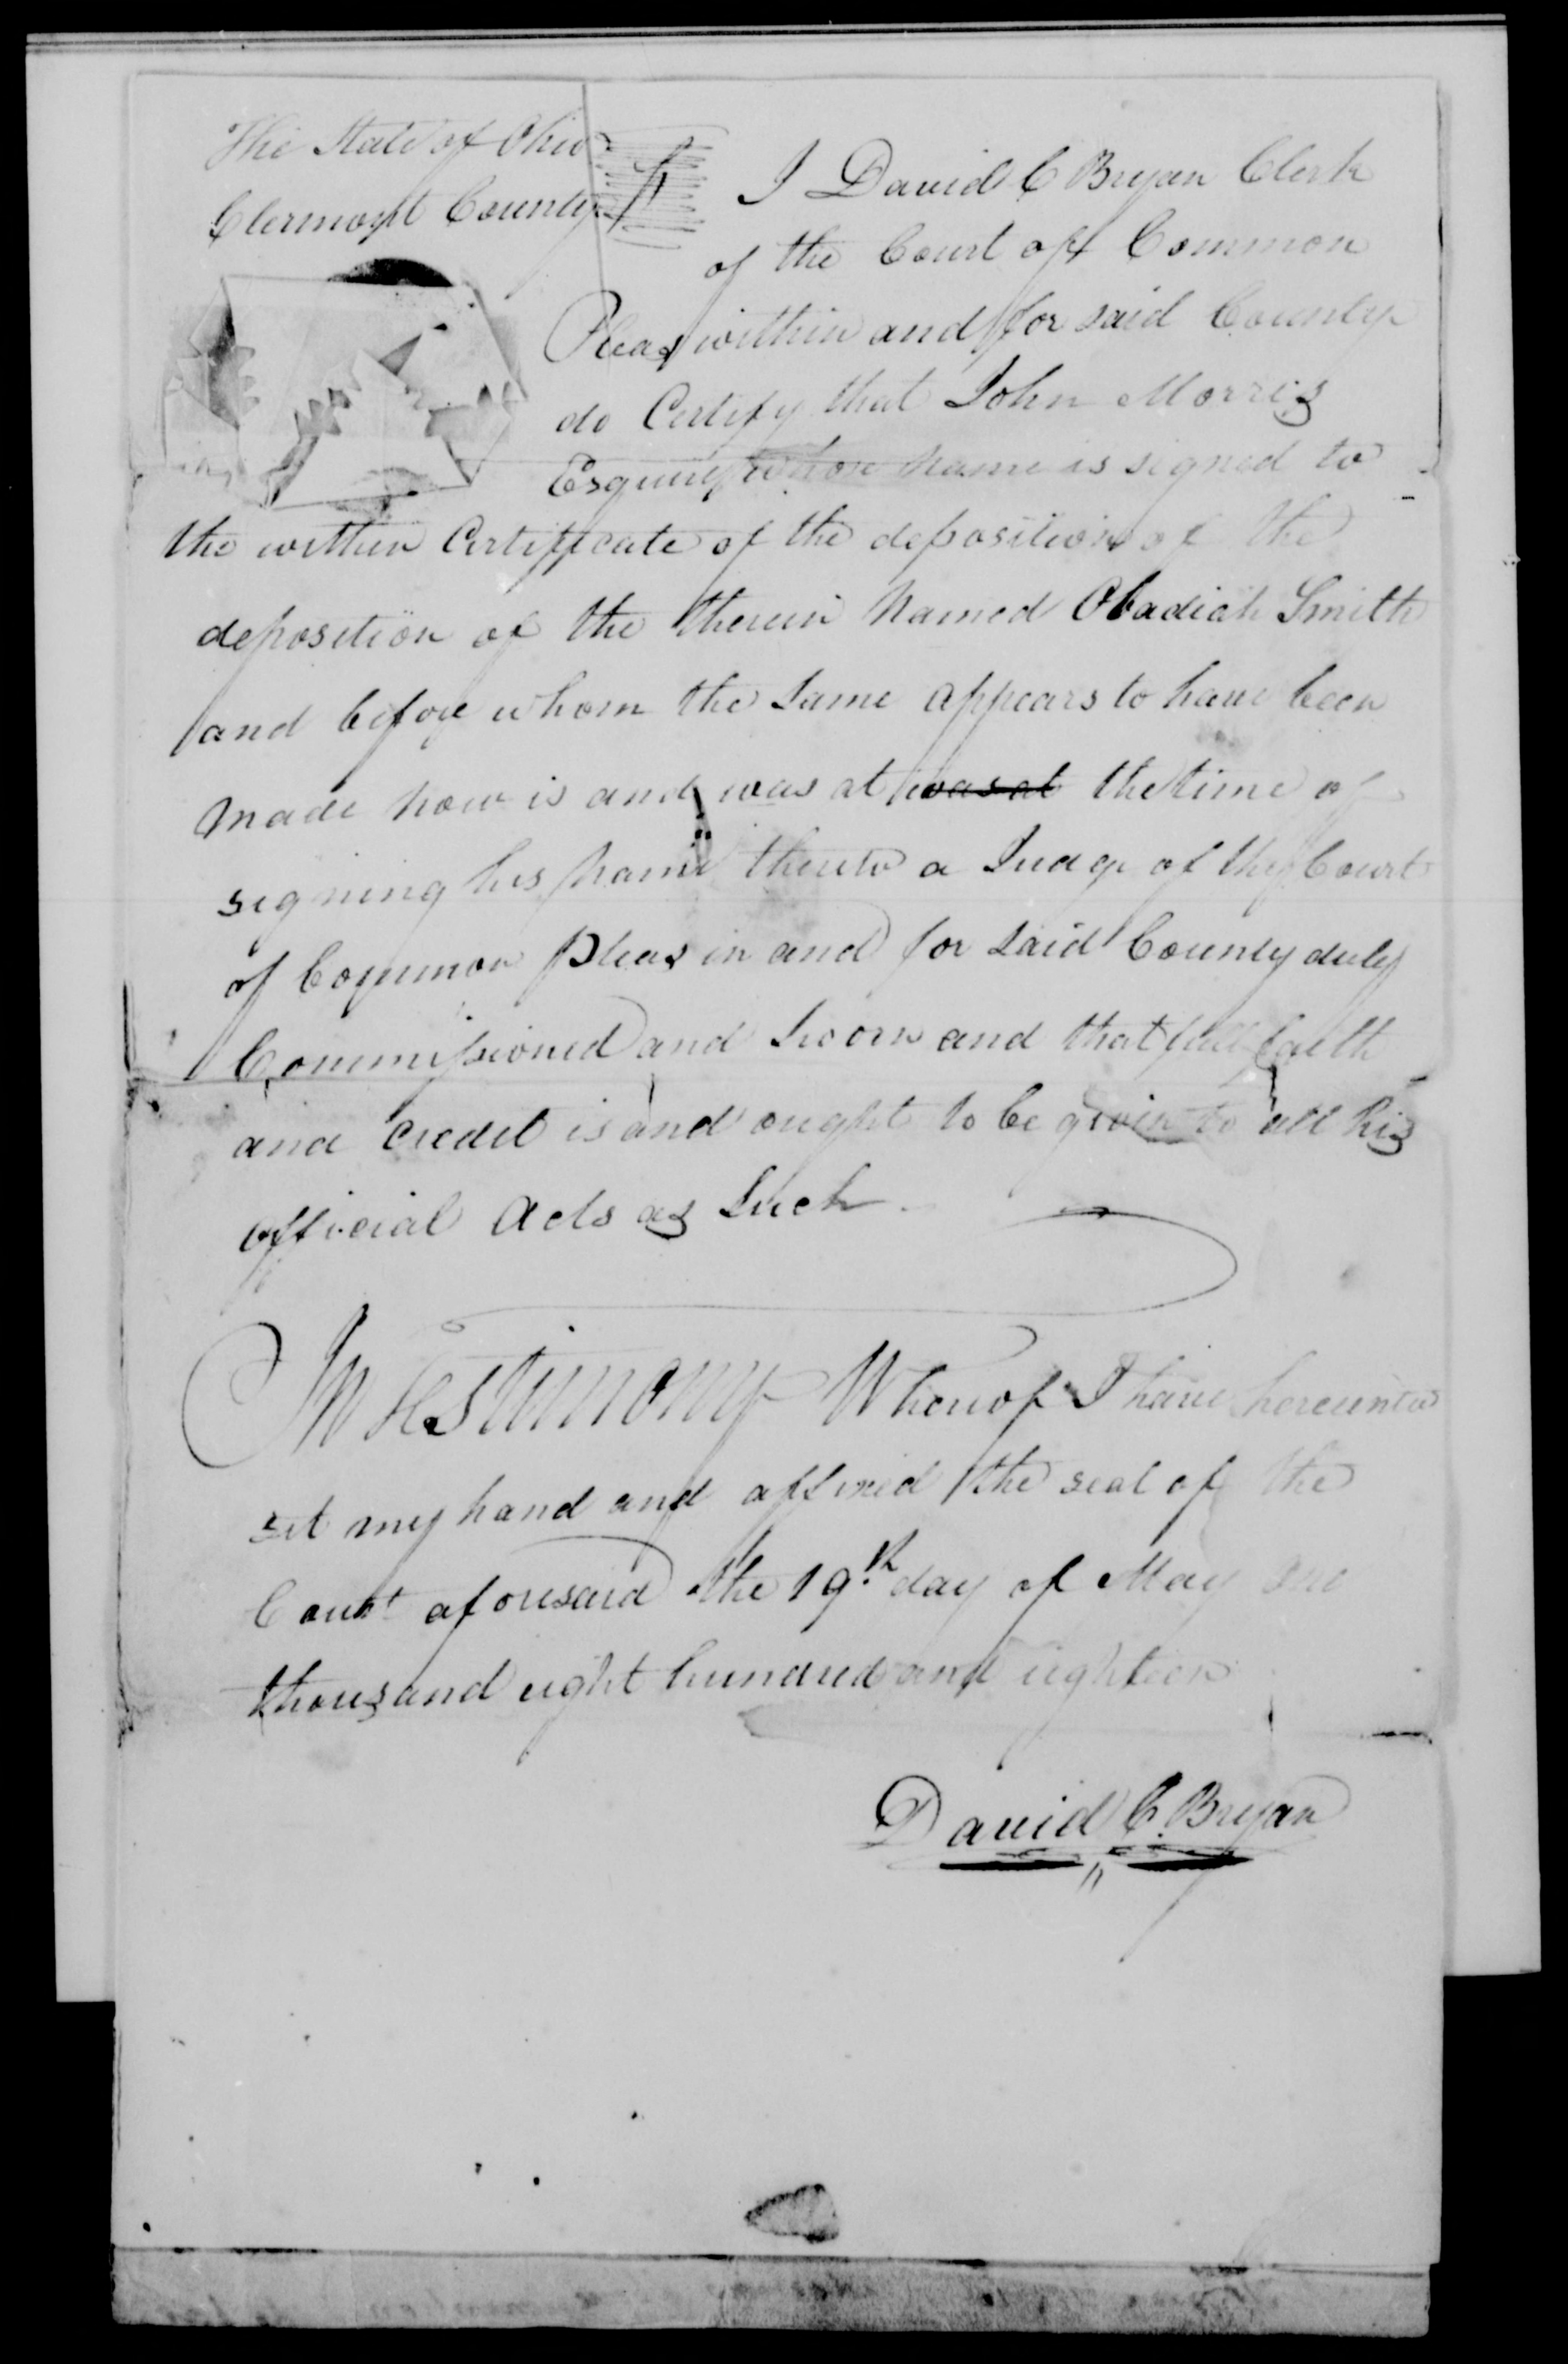The State of Ohio Clermont County Ss I David C Bryan Clerk of the Court of Common Pleas within and for said County do Certify that John Morris Esquire whose name is signed to the written Certificate of the deposition of the deposition [sic] of the therein named Obadiah Smith and before whom the same appears to have been made now is and was at ["was at" is crossed out] the time of signing his name thereto a Judge of the Court of Common Pleas i and for said County duly Commissioned and Sworn and that full faith and credit is and ought to be given to all his official Acts as Such In testimony Whereof I have hereunto set my hand and affixed the seal of the Court aforesaid the 19th of May one thousand eight hundred and eighteen [signature:] David C. Bryan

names: Obadiah Smith; John Morris; David C Bryan; David C Bryan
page: 11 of 66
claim: survivor's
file: S 40458, for Obadiah Smith, New York